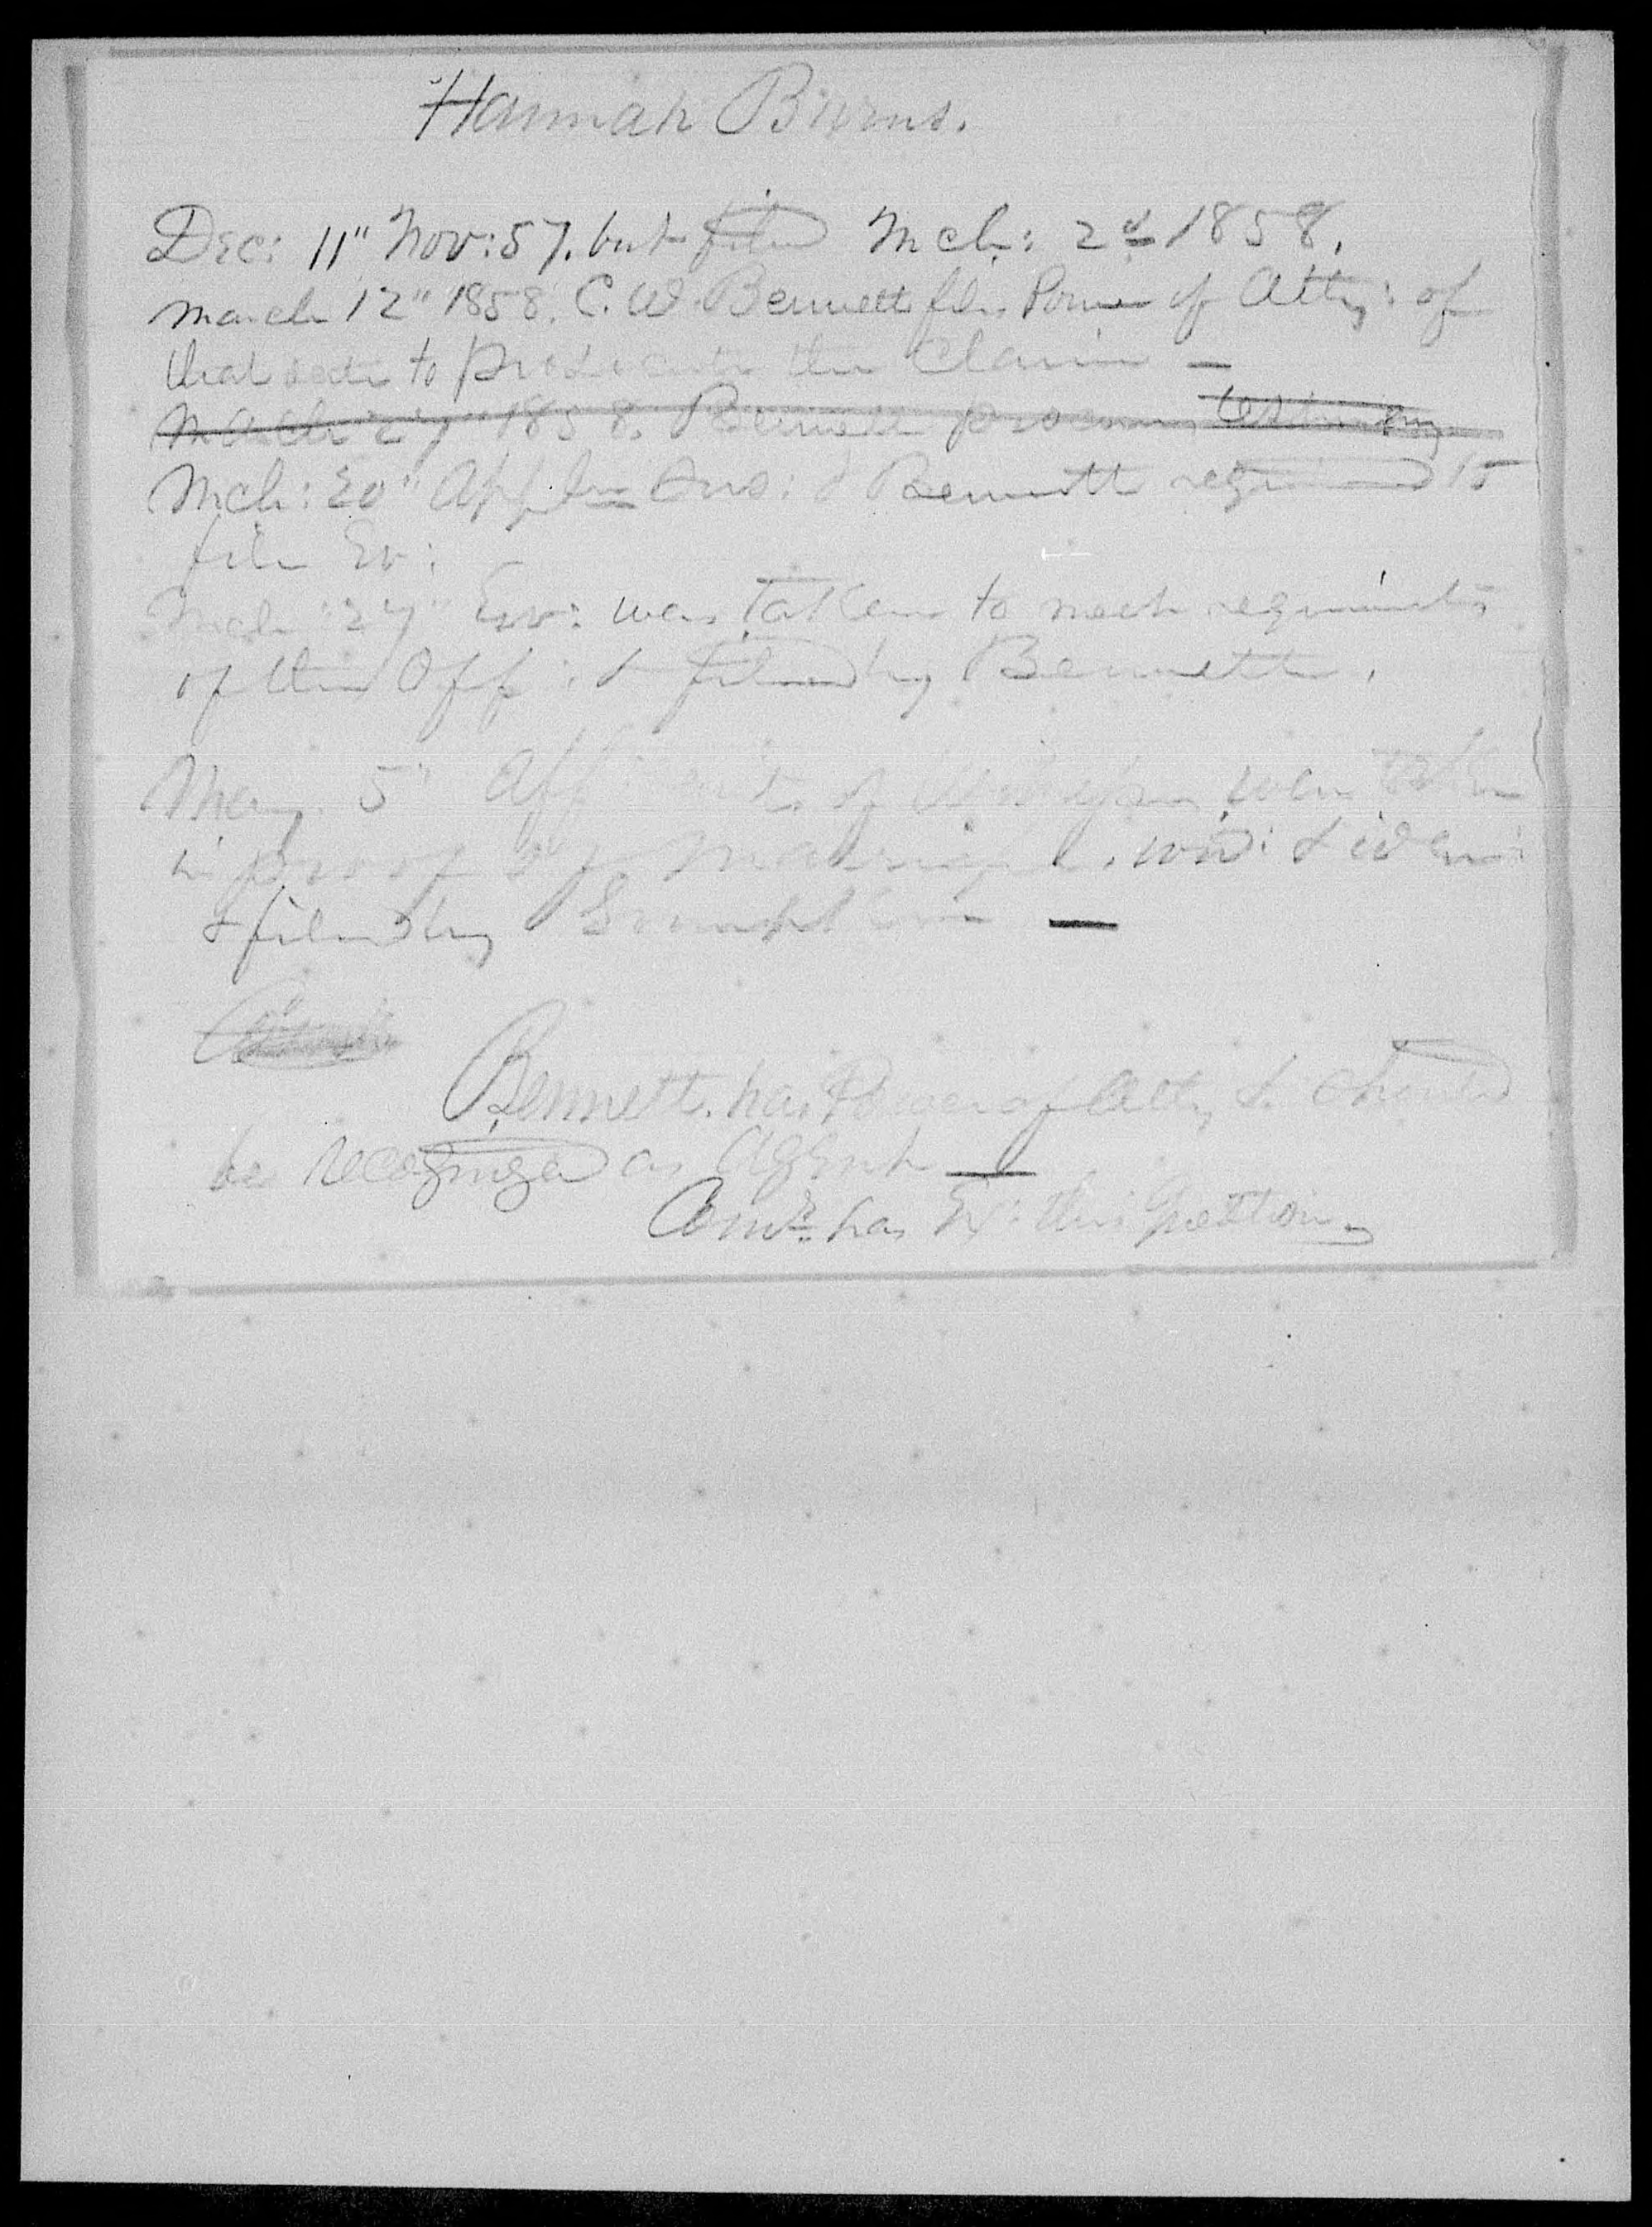Hannah Burns
Dsc: 11 Nov: 57 [illegible] mch 2d 1858
March 12 1858. C. W. Bennett for Power of Atty: of
That death to [illegible] this claim
(March 27 1858 Bennet [illegible]) [crossed out]
Mch 20 [illegible] Bennett req[illegible] 15
File gw:
Mch 27 [illegible] was [illegible] to [illegible] req[illegible]
In this office of [illegible] by Bennett.
May 5 [illegible]
Bennett ha Power of Atty f [illegible]
be [illegible]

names: Hannah Burns, Bennett, C W Bennett, Bennett, Bennett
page: 20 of 48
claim: widow's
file: W. 10476, James Hodge, New York